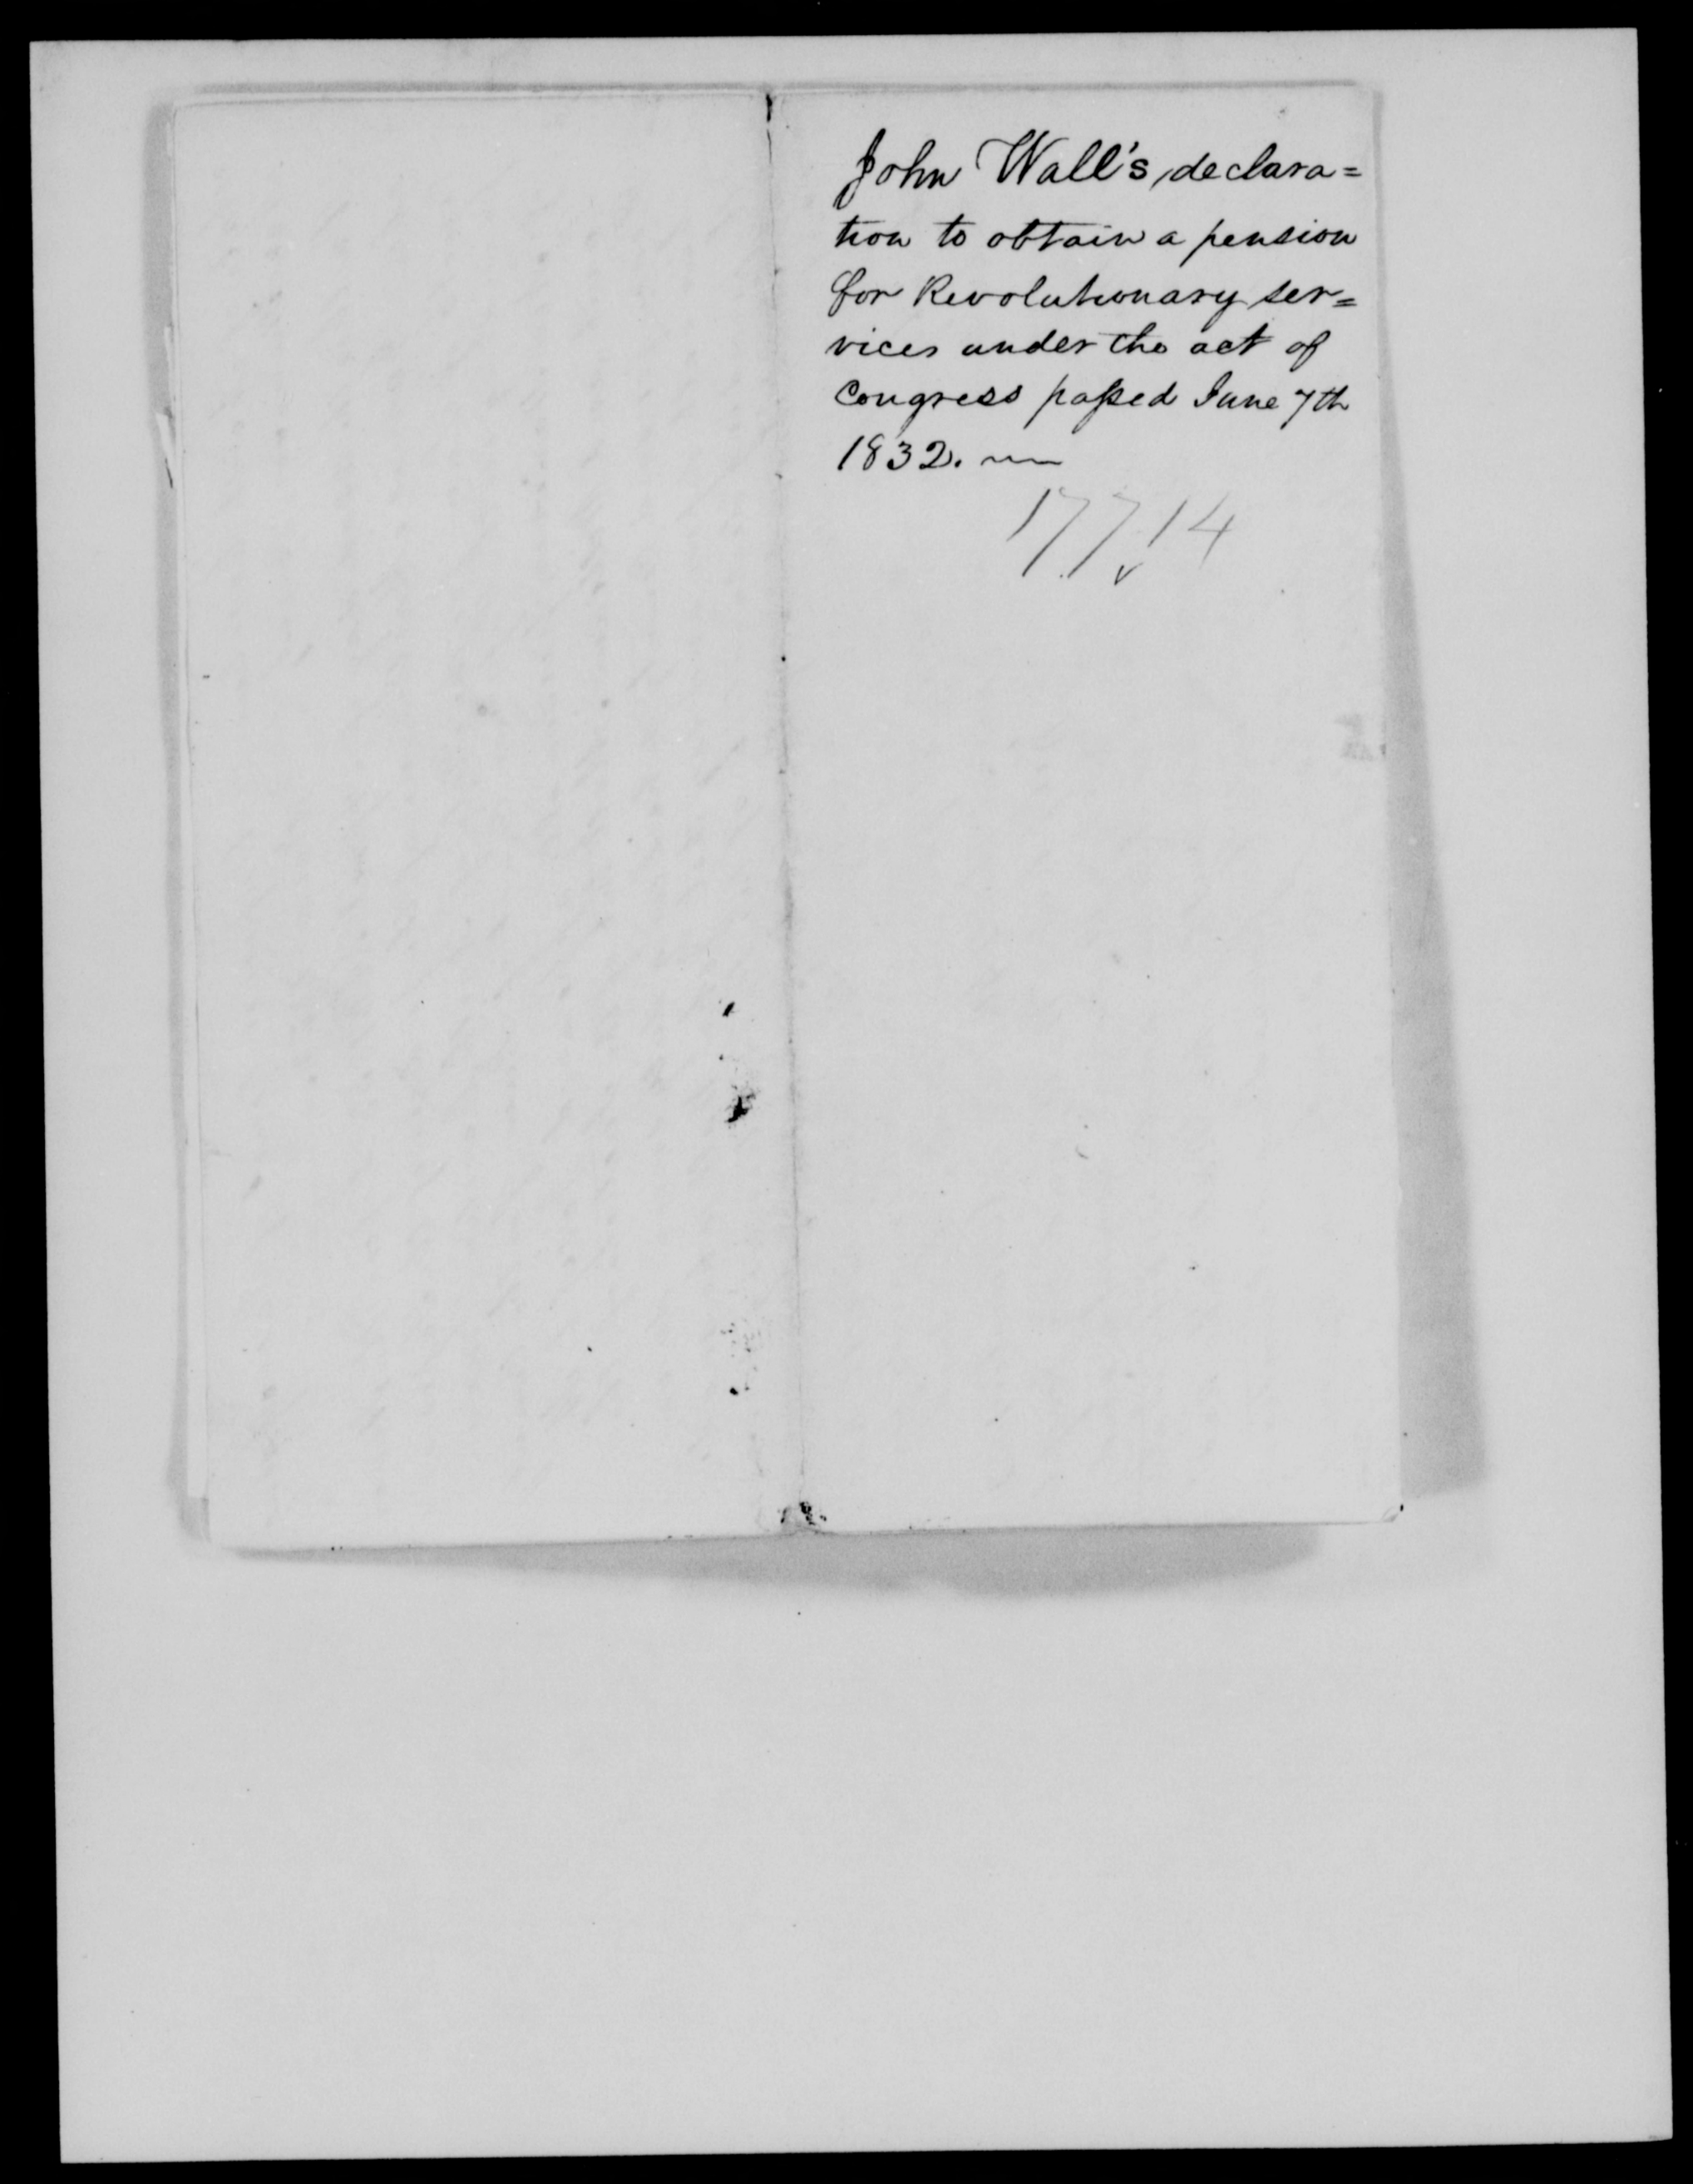John Wall's declaration to obtain a pension
for Revolutionary services under the act of
Congress passed June 7th
1832.
17714
&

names: John Wall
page: 2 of 11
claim: rejected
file: R. 11089, John Wall, Va.